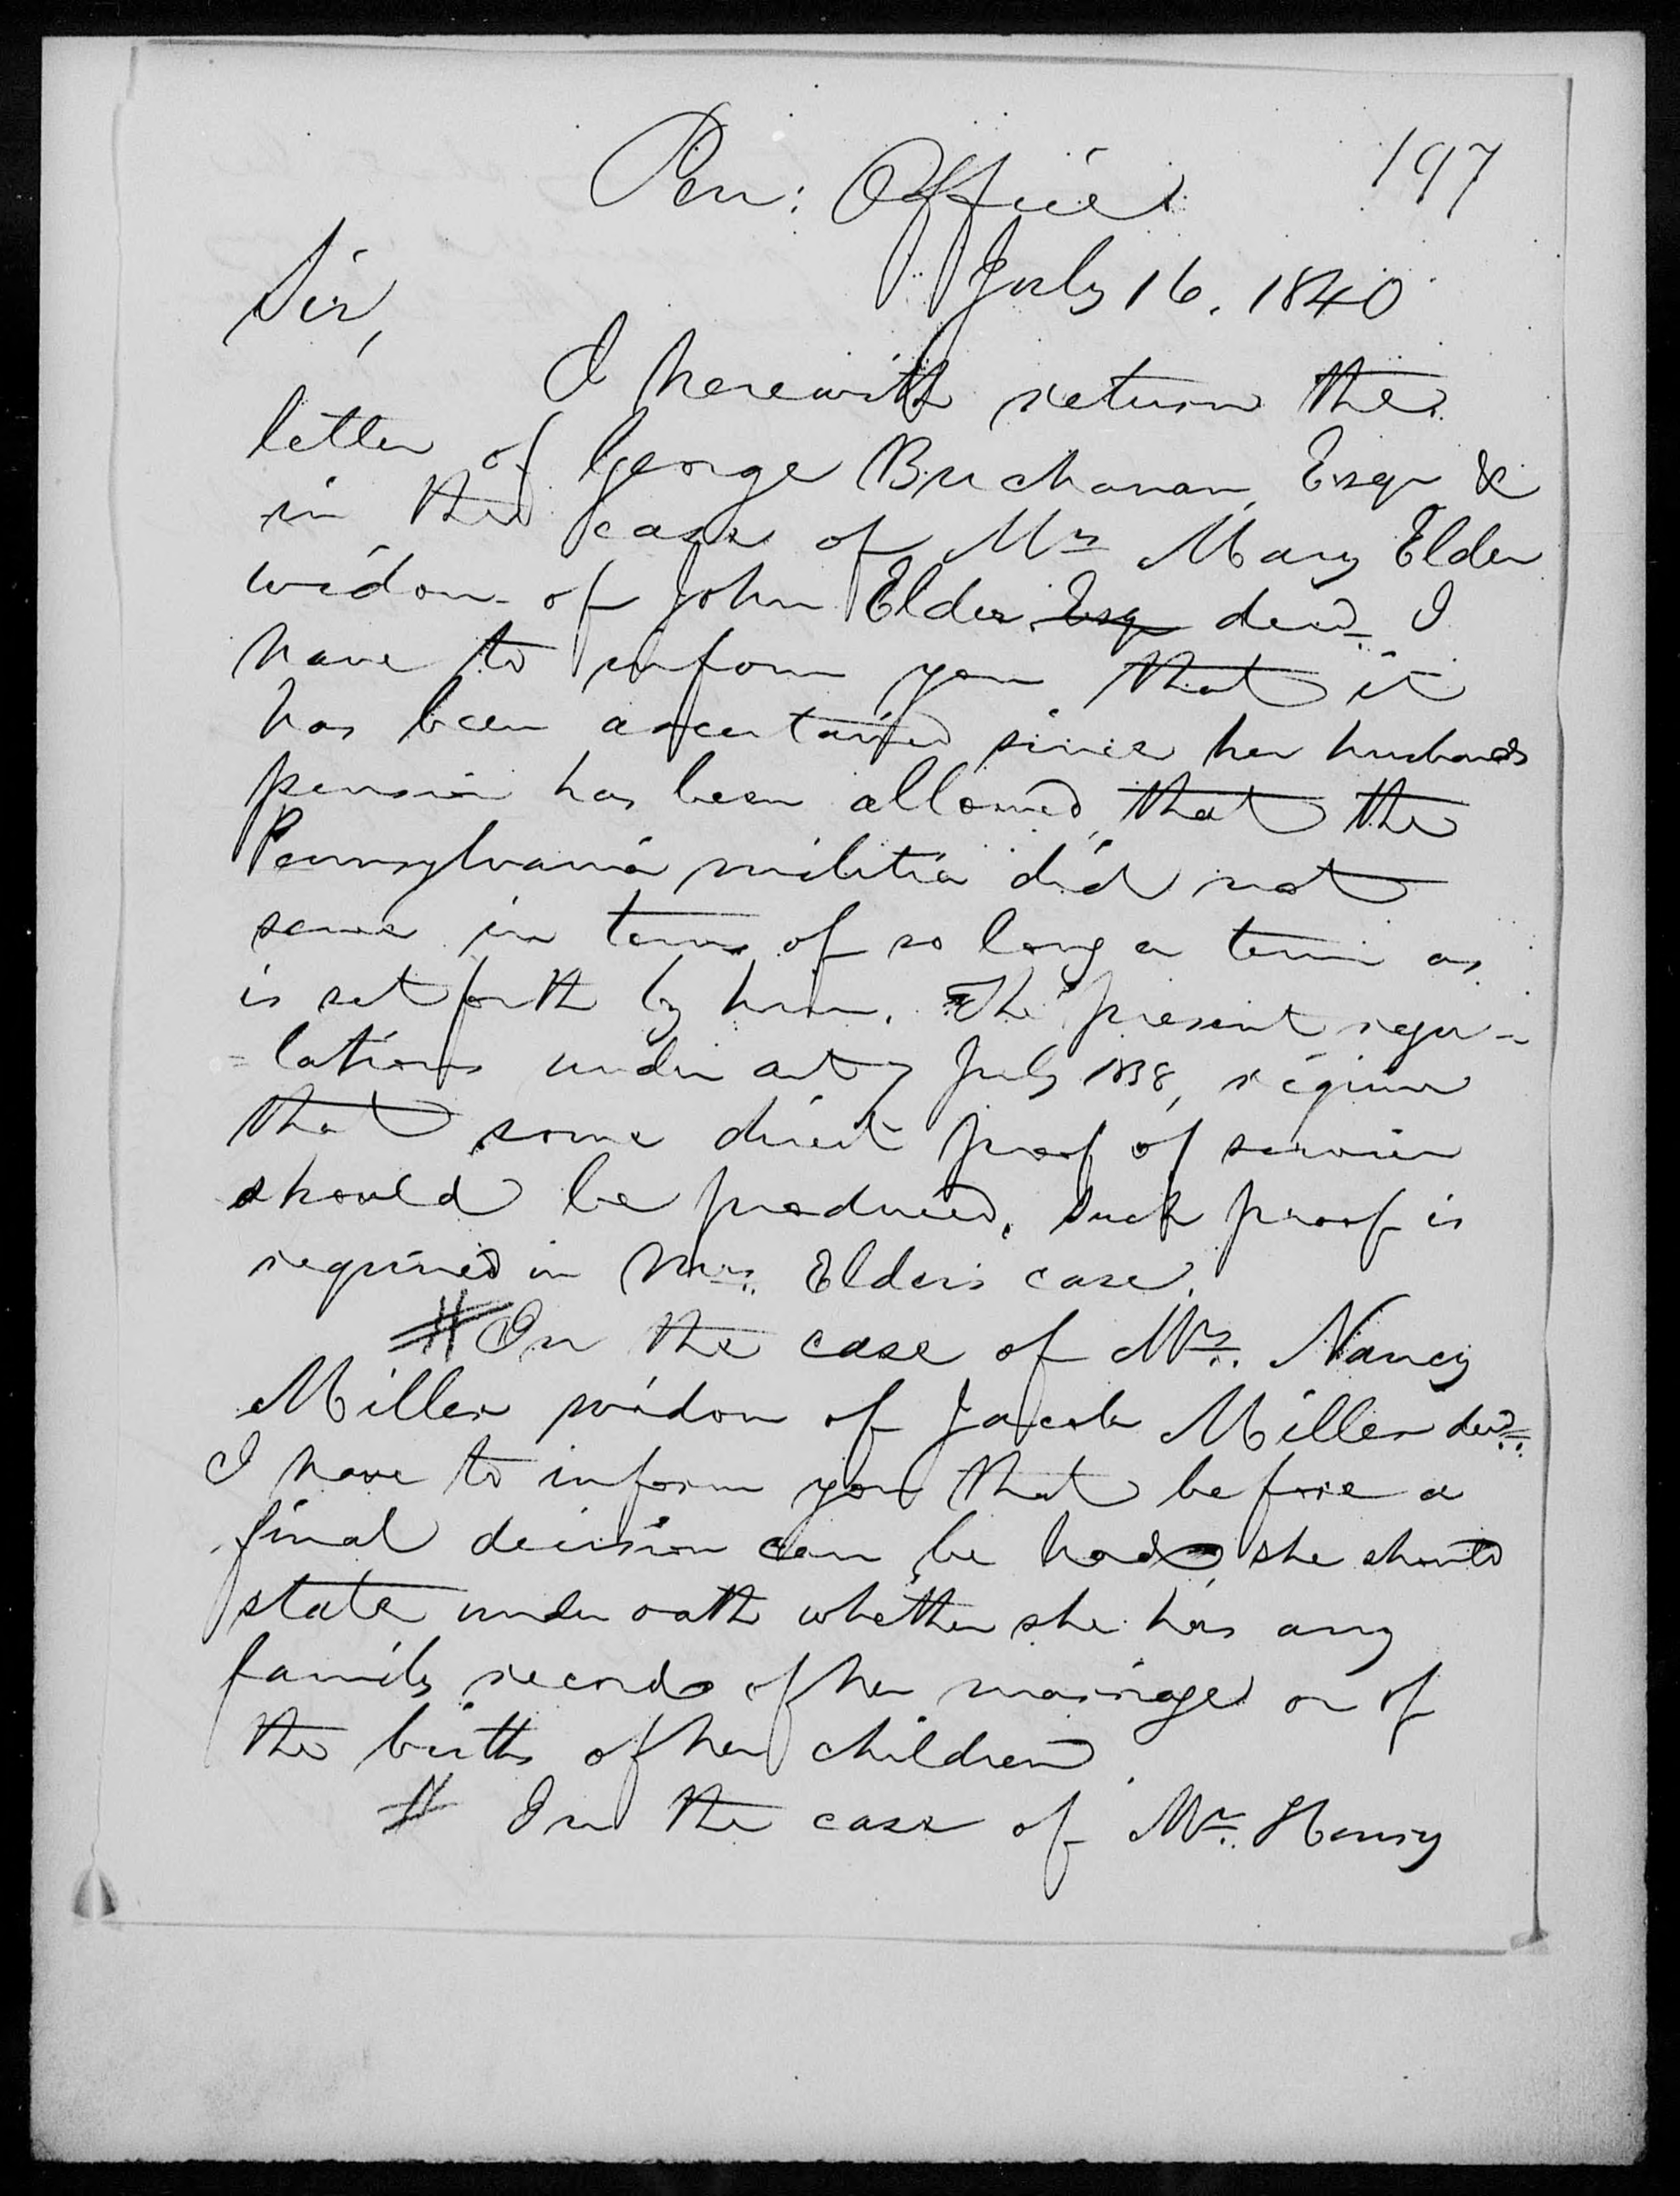Pen: Office     197
July 16, 1840
Sir,
I herewith return the letter of George Buchanan, Esq & in the case of Ms Mary Elder widow of John Elder Esq [crossed out] [illegible] I have to inform you that it has been a [illegible] since her husbands pension has been allowed that the Pennsylvania militia did not secure in terms of so long a term as is set forth by [illegible]. The present [illegible] under [illegible], July 1838, require that some direct proof of service should be produced.  Such proof is required in Ms Elder's case.
# On the case of Ms. Nancy Miller widow of Jacob Miller [illegible] I have to inform you that before a final decision can be had, she should state under oath whether she has any family record of her marriage or of the birth of her children.
# On the case of Ms Nancy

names: Henry, John Elder, Elder, Jacob Miller, Mary Elder, Nancy Miller, George Buchanan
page: 24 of 80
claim: widow's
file: W. 24117, John Elder, Penn.